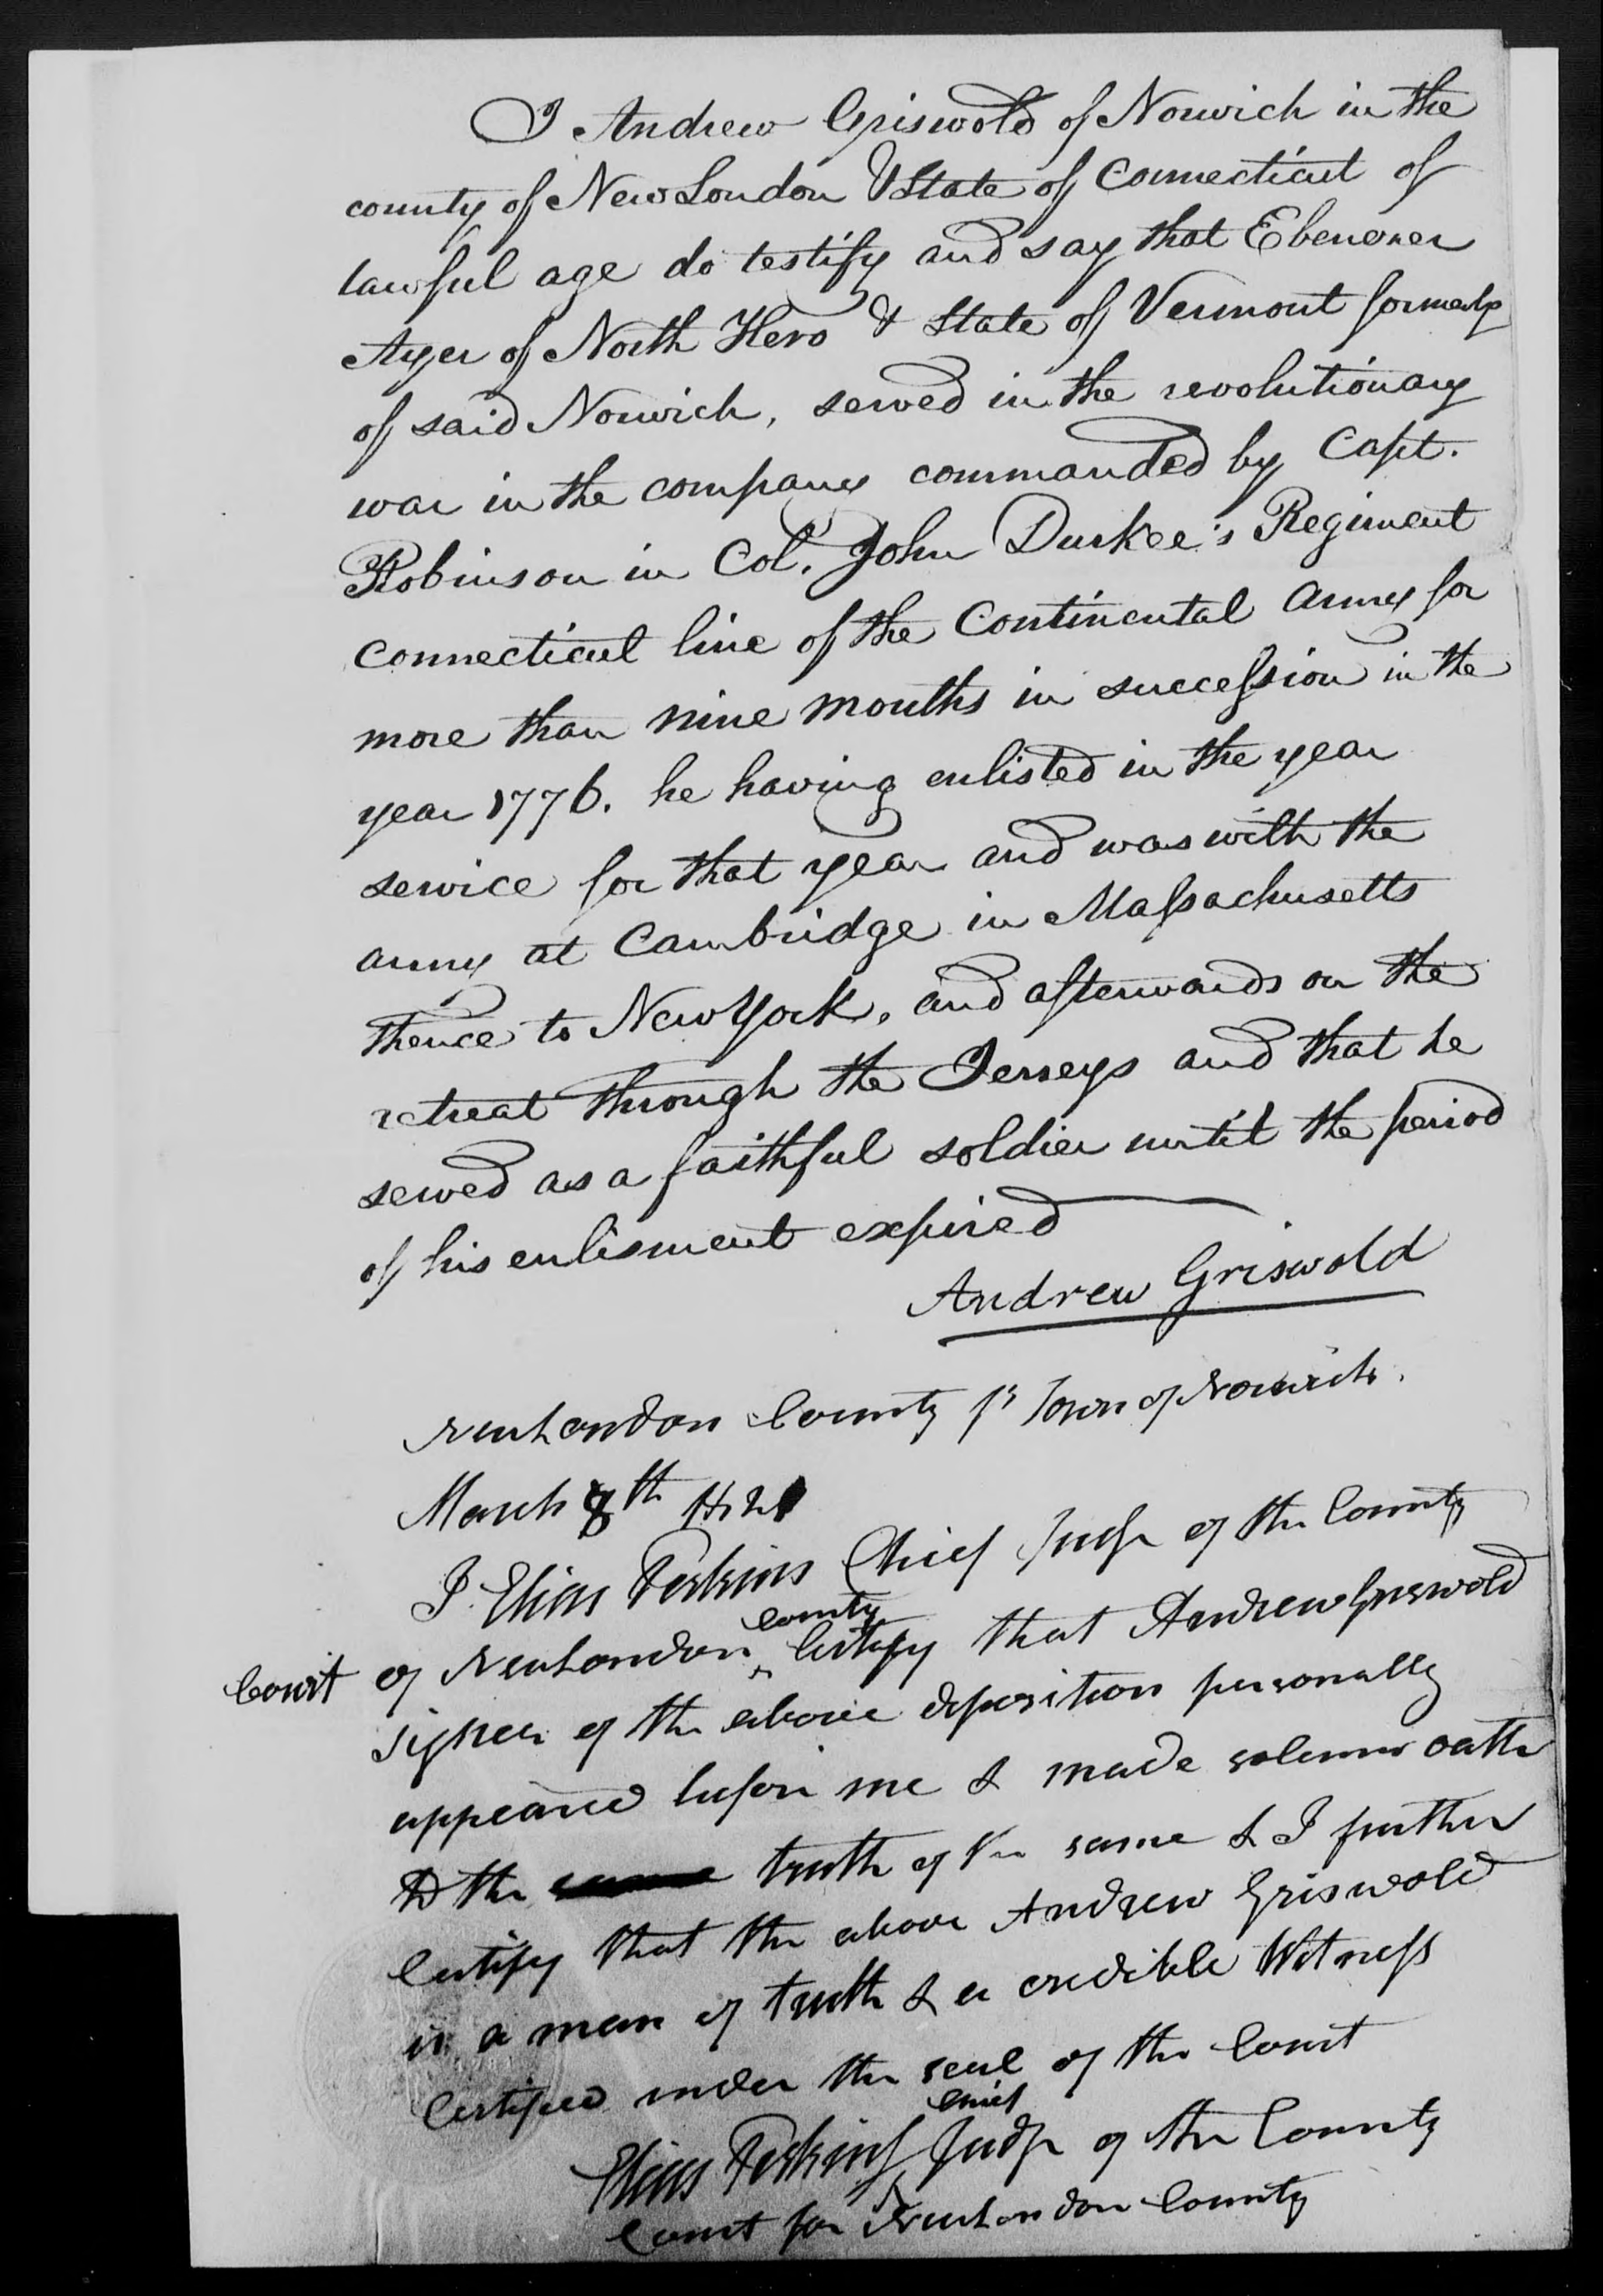I Andrew Griswold of Norwich in the county of New London & State of Connecticut of lawful age do testify and say that Ebenezer Ayer of North Hero & State of Vermont formerly of said Norwich, served in the revolutionary war in the company commanded by Capt. Robinson in Col. John Durkee's Regiment Connecticut line of the Continental Army for more than nine months in succession in the year 1776, he having enlisted in the year service for that year and was with the army at Cambridge in Massachusetts thence to New York, and afterwards on the retreat through the Jerseys and that he served as a faithful soldier until the period of his enlisment [enlistment] expired.
Andrew Griswold
New London County ss Town of Norwich
March 8th 1821
I Elias Perkins Chief Judge of the County Court of New London ^County certify that Andrew Griswold signer of the above deposition personally appeared before me & made solemn oath to the truth of the same & I further certify that the above Andrew Griswold is a man of truth & is a credible witness
Certified under the seal of the Court
Elias Perkins ^Chief Judge of the County Court for New London County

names: Elias Perkins, Andrew Griswold, Elias Perkins, Ebenezer Ayer, Robinson, Elias Perkins, Andrew Griswold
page: 31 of 50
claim: widow's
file: W. 8559, Ebenezer Ayer, Continental (Conn)